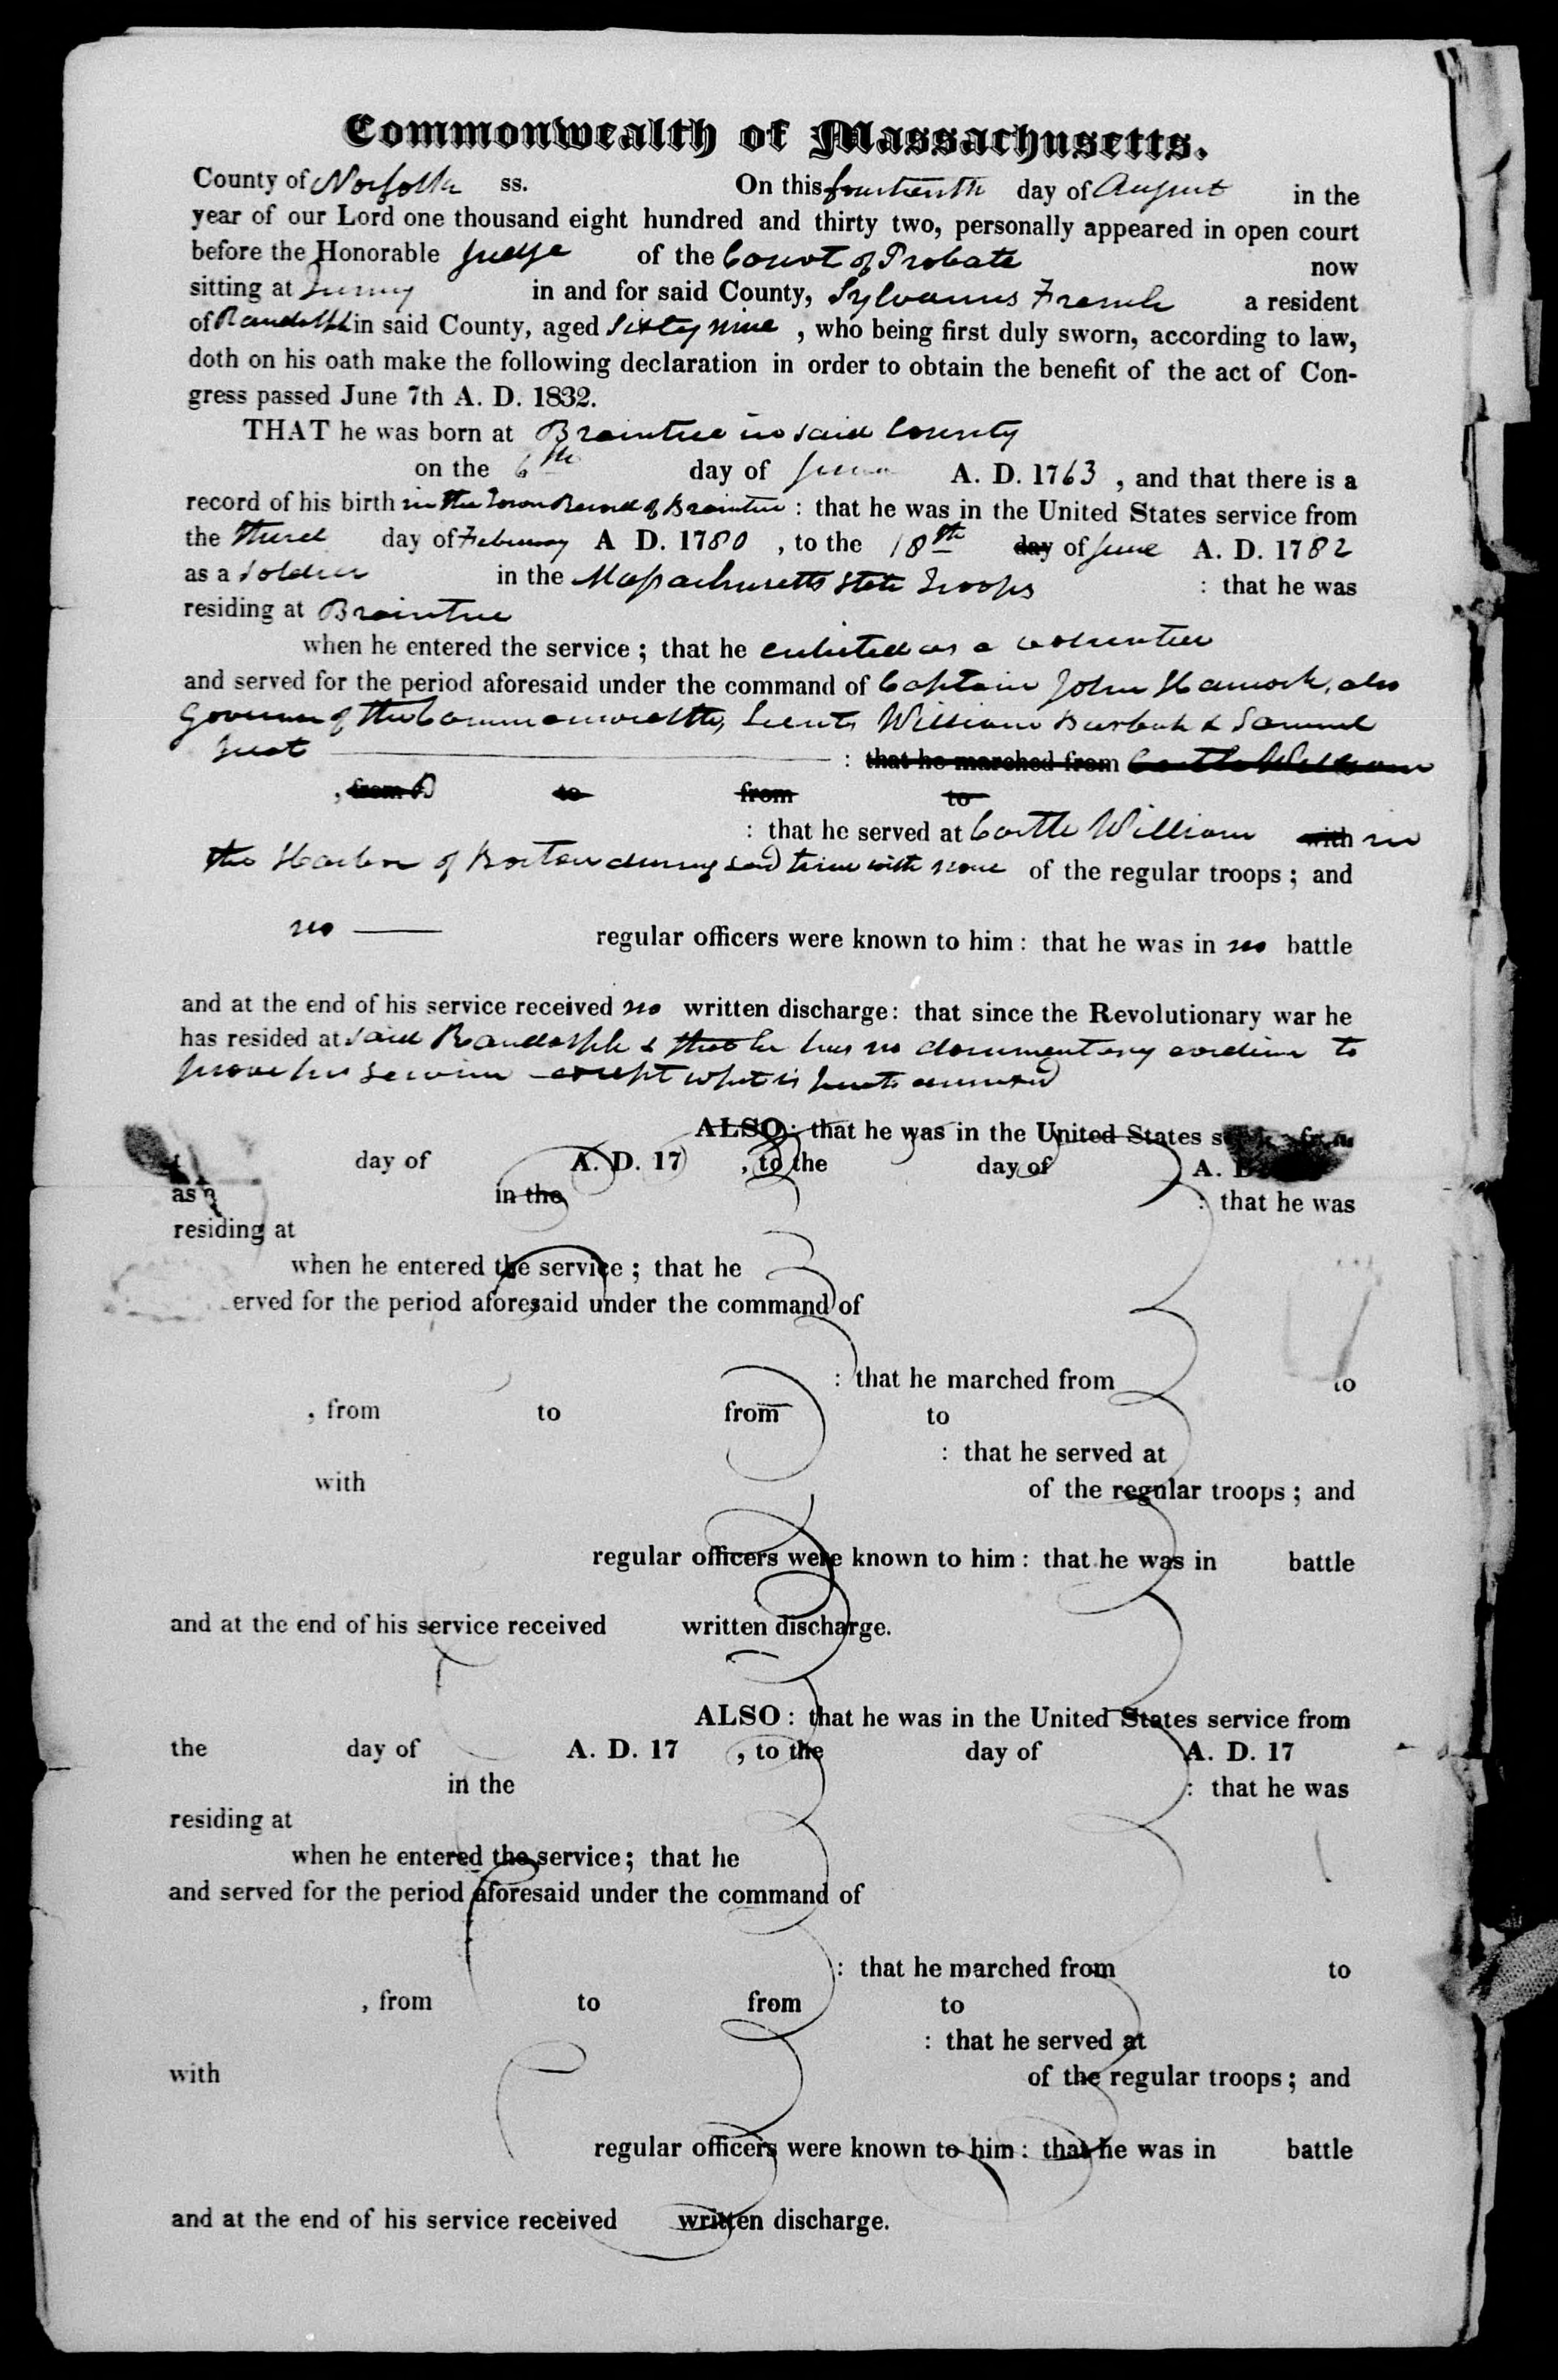Commonwealth of Massachusetts.
County of Norfolk ss. On this fourteenth day of August in the
year of our Lord one thousand eight hundred and thirty two, personally appeared in open court
before the Honorable Judge of the Court of Probate now 
sitting at [illegible] in and for said County, Sylvanus French, a resident
of Randolph in said County, aged sixty nine, who being first duly sworn, according to law,
doth on his oath make the following declaration in order to obtain the benefit of the act of Congress
passed June 7th A. D. 1832.

THAT he was born at Braintree in said County
on the 6th day of June A. D. 1763, and that there is a
record of his birth in the Town Record of Braintree: that he was in the United States service from
the third day of February A D. 1780, to the 18th day of June A.D. 1782
as a soldier
in the Massachusetts State Troops: that he was
residing at Braintree
when he entered the service; that he enlisted as a volunteer
and served for the period aforesaid under the command of Captain John Hancock, also
Governor of the Commonwealth, Lieuts William Burbank & Samuel
Just -------------: [words strucken out]: 
that he served at Castle William ["with" struck out] in
the Harbor of Boston during said time with none of the regular troops; and
no --- regular officers were known to him: that he was in no battle
and at the end of his service received no written discharge: that since the Revolutionary war he
has resided at said Randolph & that he has no documentary evidence to
prove his service - except what is hereto annexed

[Remainder of pre-printed form not completed and struck through]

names: Sylvanus French, John Hancock, Samuel Tuat, William Burbank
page: 11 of 38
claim: widow's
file: W. 24,235, Silvanus French, Mass.